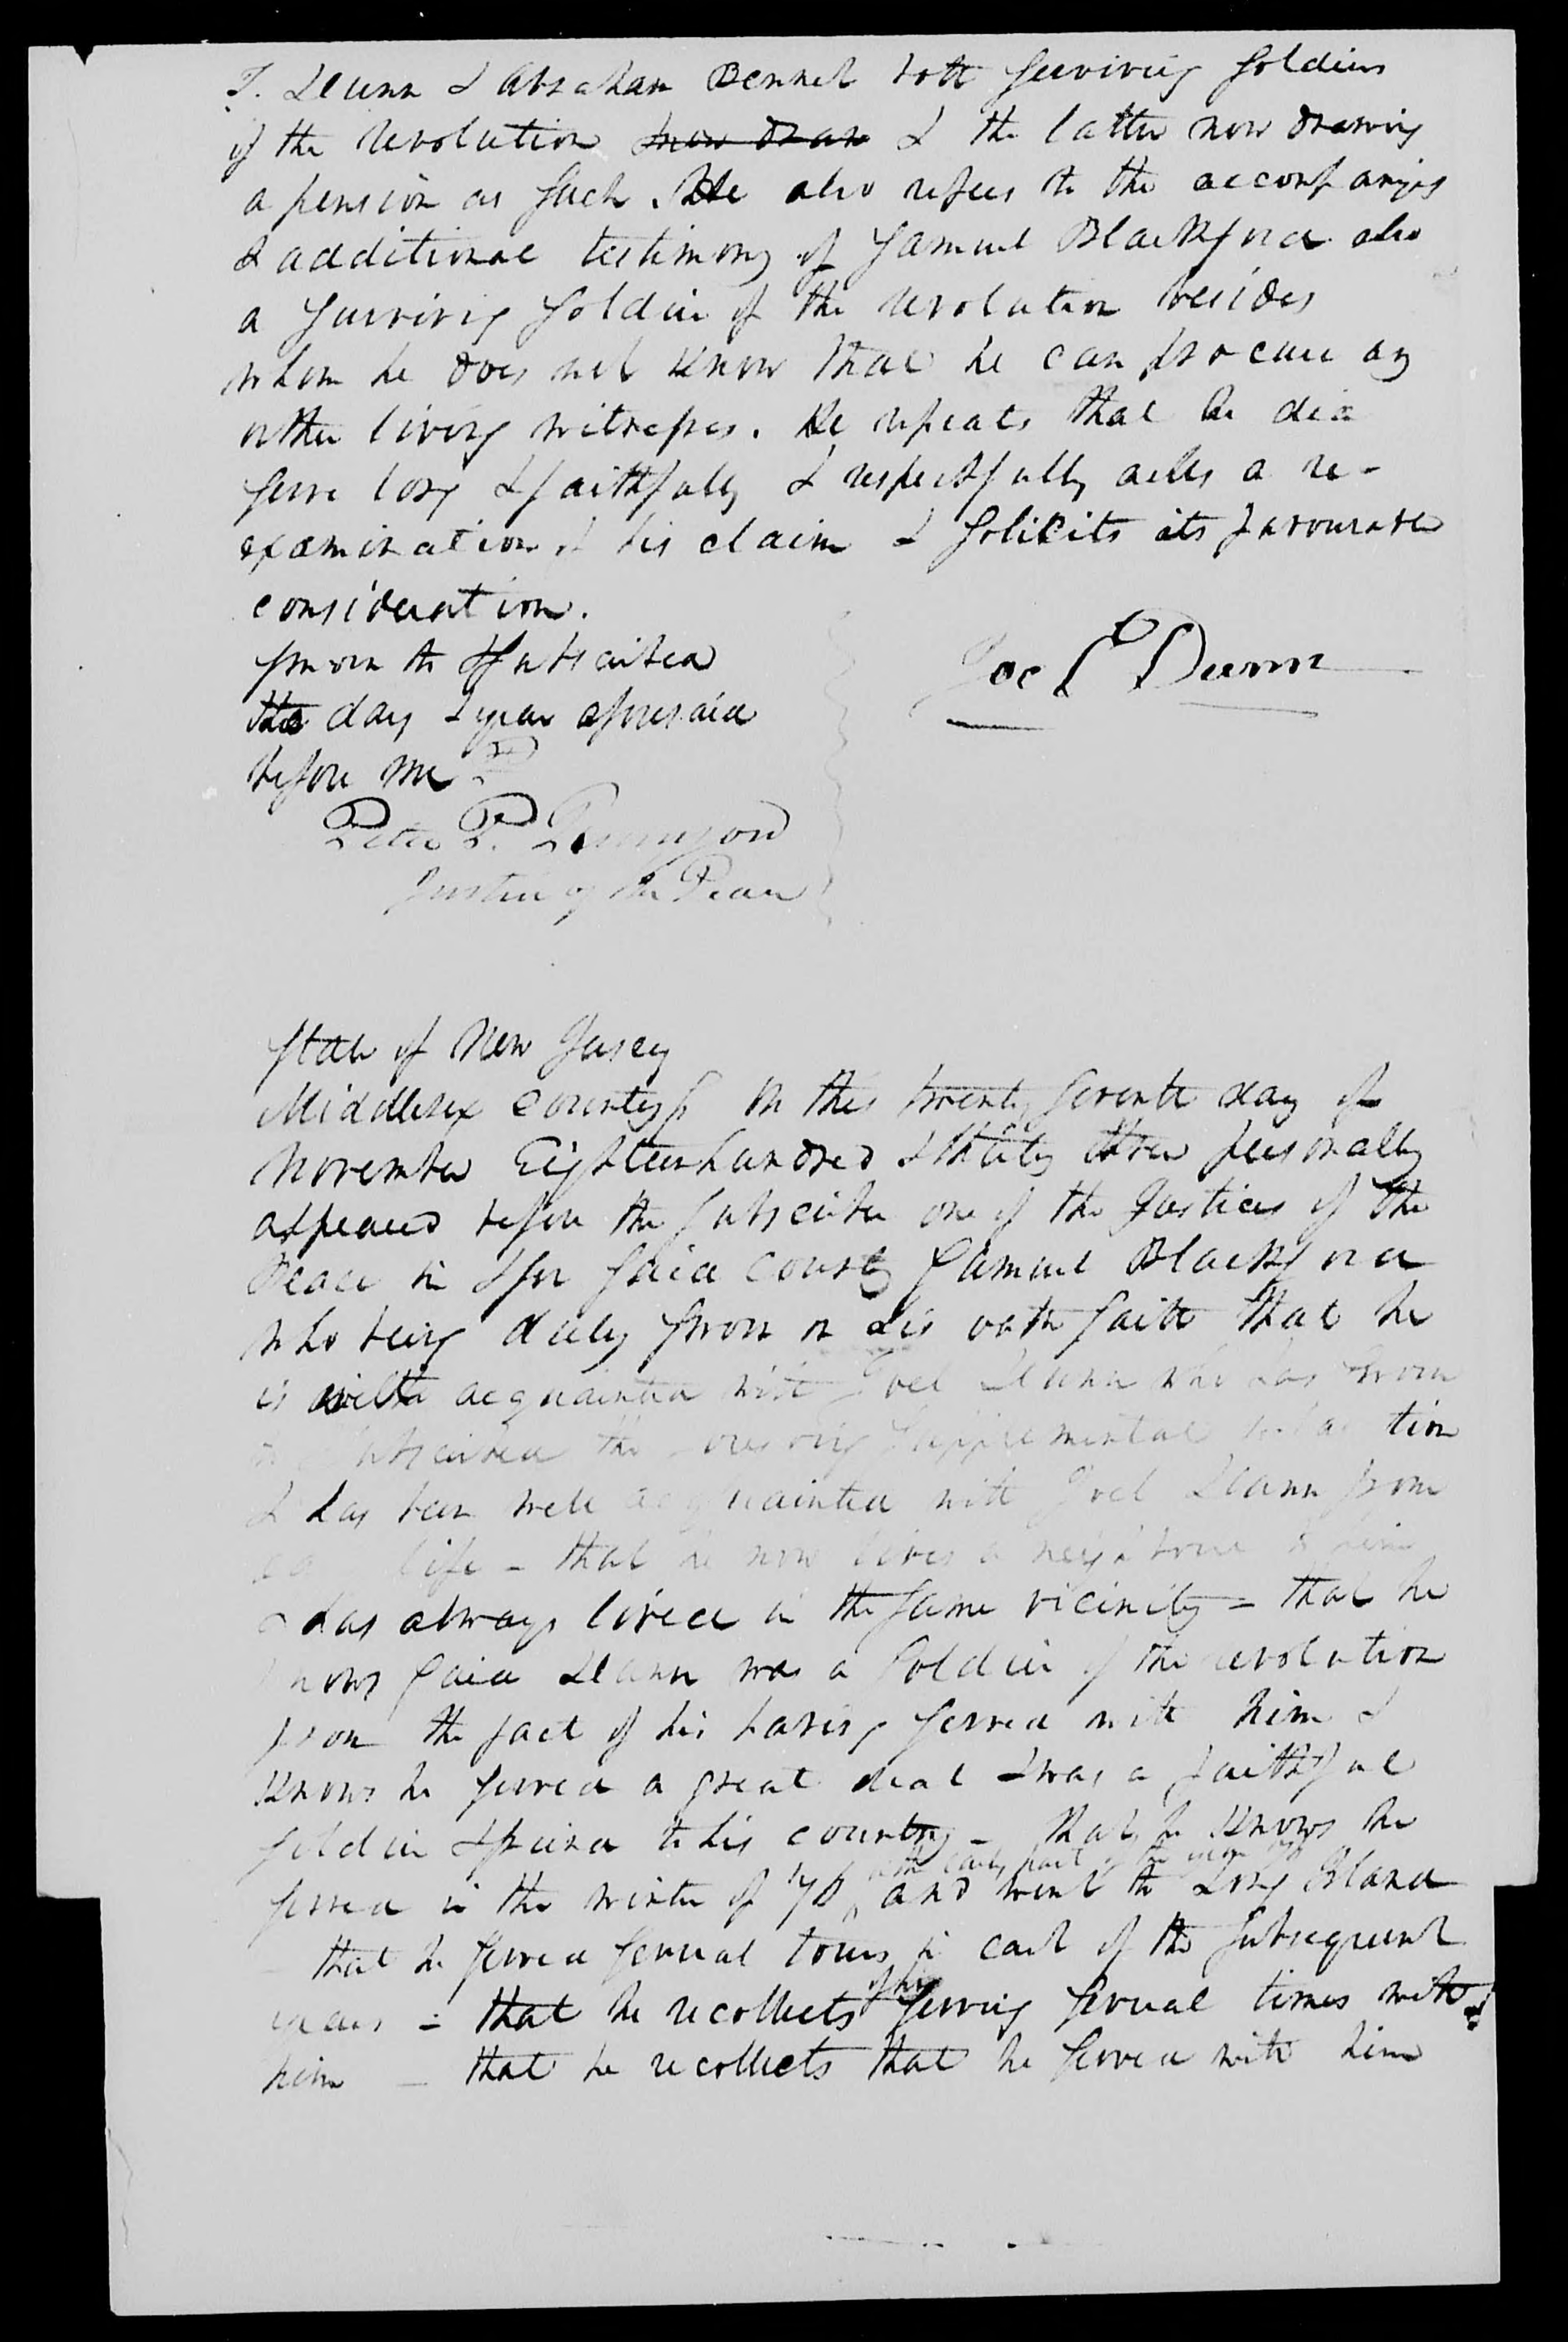J. Dunn & Abraham Bennet both surviving soldiers of the revolution & the latter now drawing a pension as such. He also refers to the accompanying & additional testimony of Samuel Blackford also a surviving soldier of the revolution besides whom he does not know that he can procure as other living witnesses. He repeats that he did serve long & faithfully & respectfully asks a reexamination in his claim & solicits its favorable  consideration.
Joel Dunn

Sworn & subscribed
the day & year aforesaid
before me
Peter P Runyon
Justice of the Peace

State of New Jersey
Middlesex Count SS.  On this twenty seventh day of November Eighteen hundred thirty three personally appeared before the subscribe one of the Justices of the Peace in aforesaid Court Samuel Blackford who being duly sworn on his oath saith that he is well acquainted with Joel Dunn who has sworn & subscribed the foregoing supplemental declaration & has been well acquainted with Joel Dunn from [illegible] life- that he now lives a neighbor to him &
has always lived in the same vicinity- that he
the said Dunn was a soldier of the revolution
from the fact of his having served with him & 
knows he served a great deal & was a faithful 
soldier & [illegible] to his country- That he knows he served in the winter of '76 in the early part of the year '76 and went to Long Island-
that he served several tours in part of the subsequent years- that he recollects of him  serving several times with him- that he recollects that he served with him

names: T Dunn, Peter P Runyon, Samuel Blackford, Samuel Blackford, Joel Dunn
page: 35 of 52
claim: widow's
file: W. 919, Joel Dunn, New Jersey